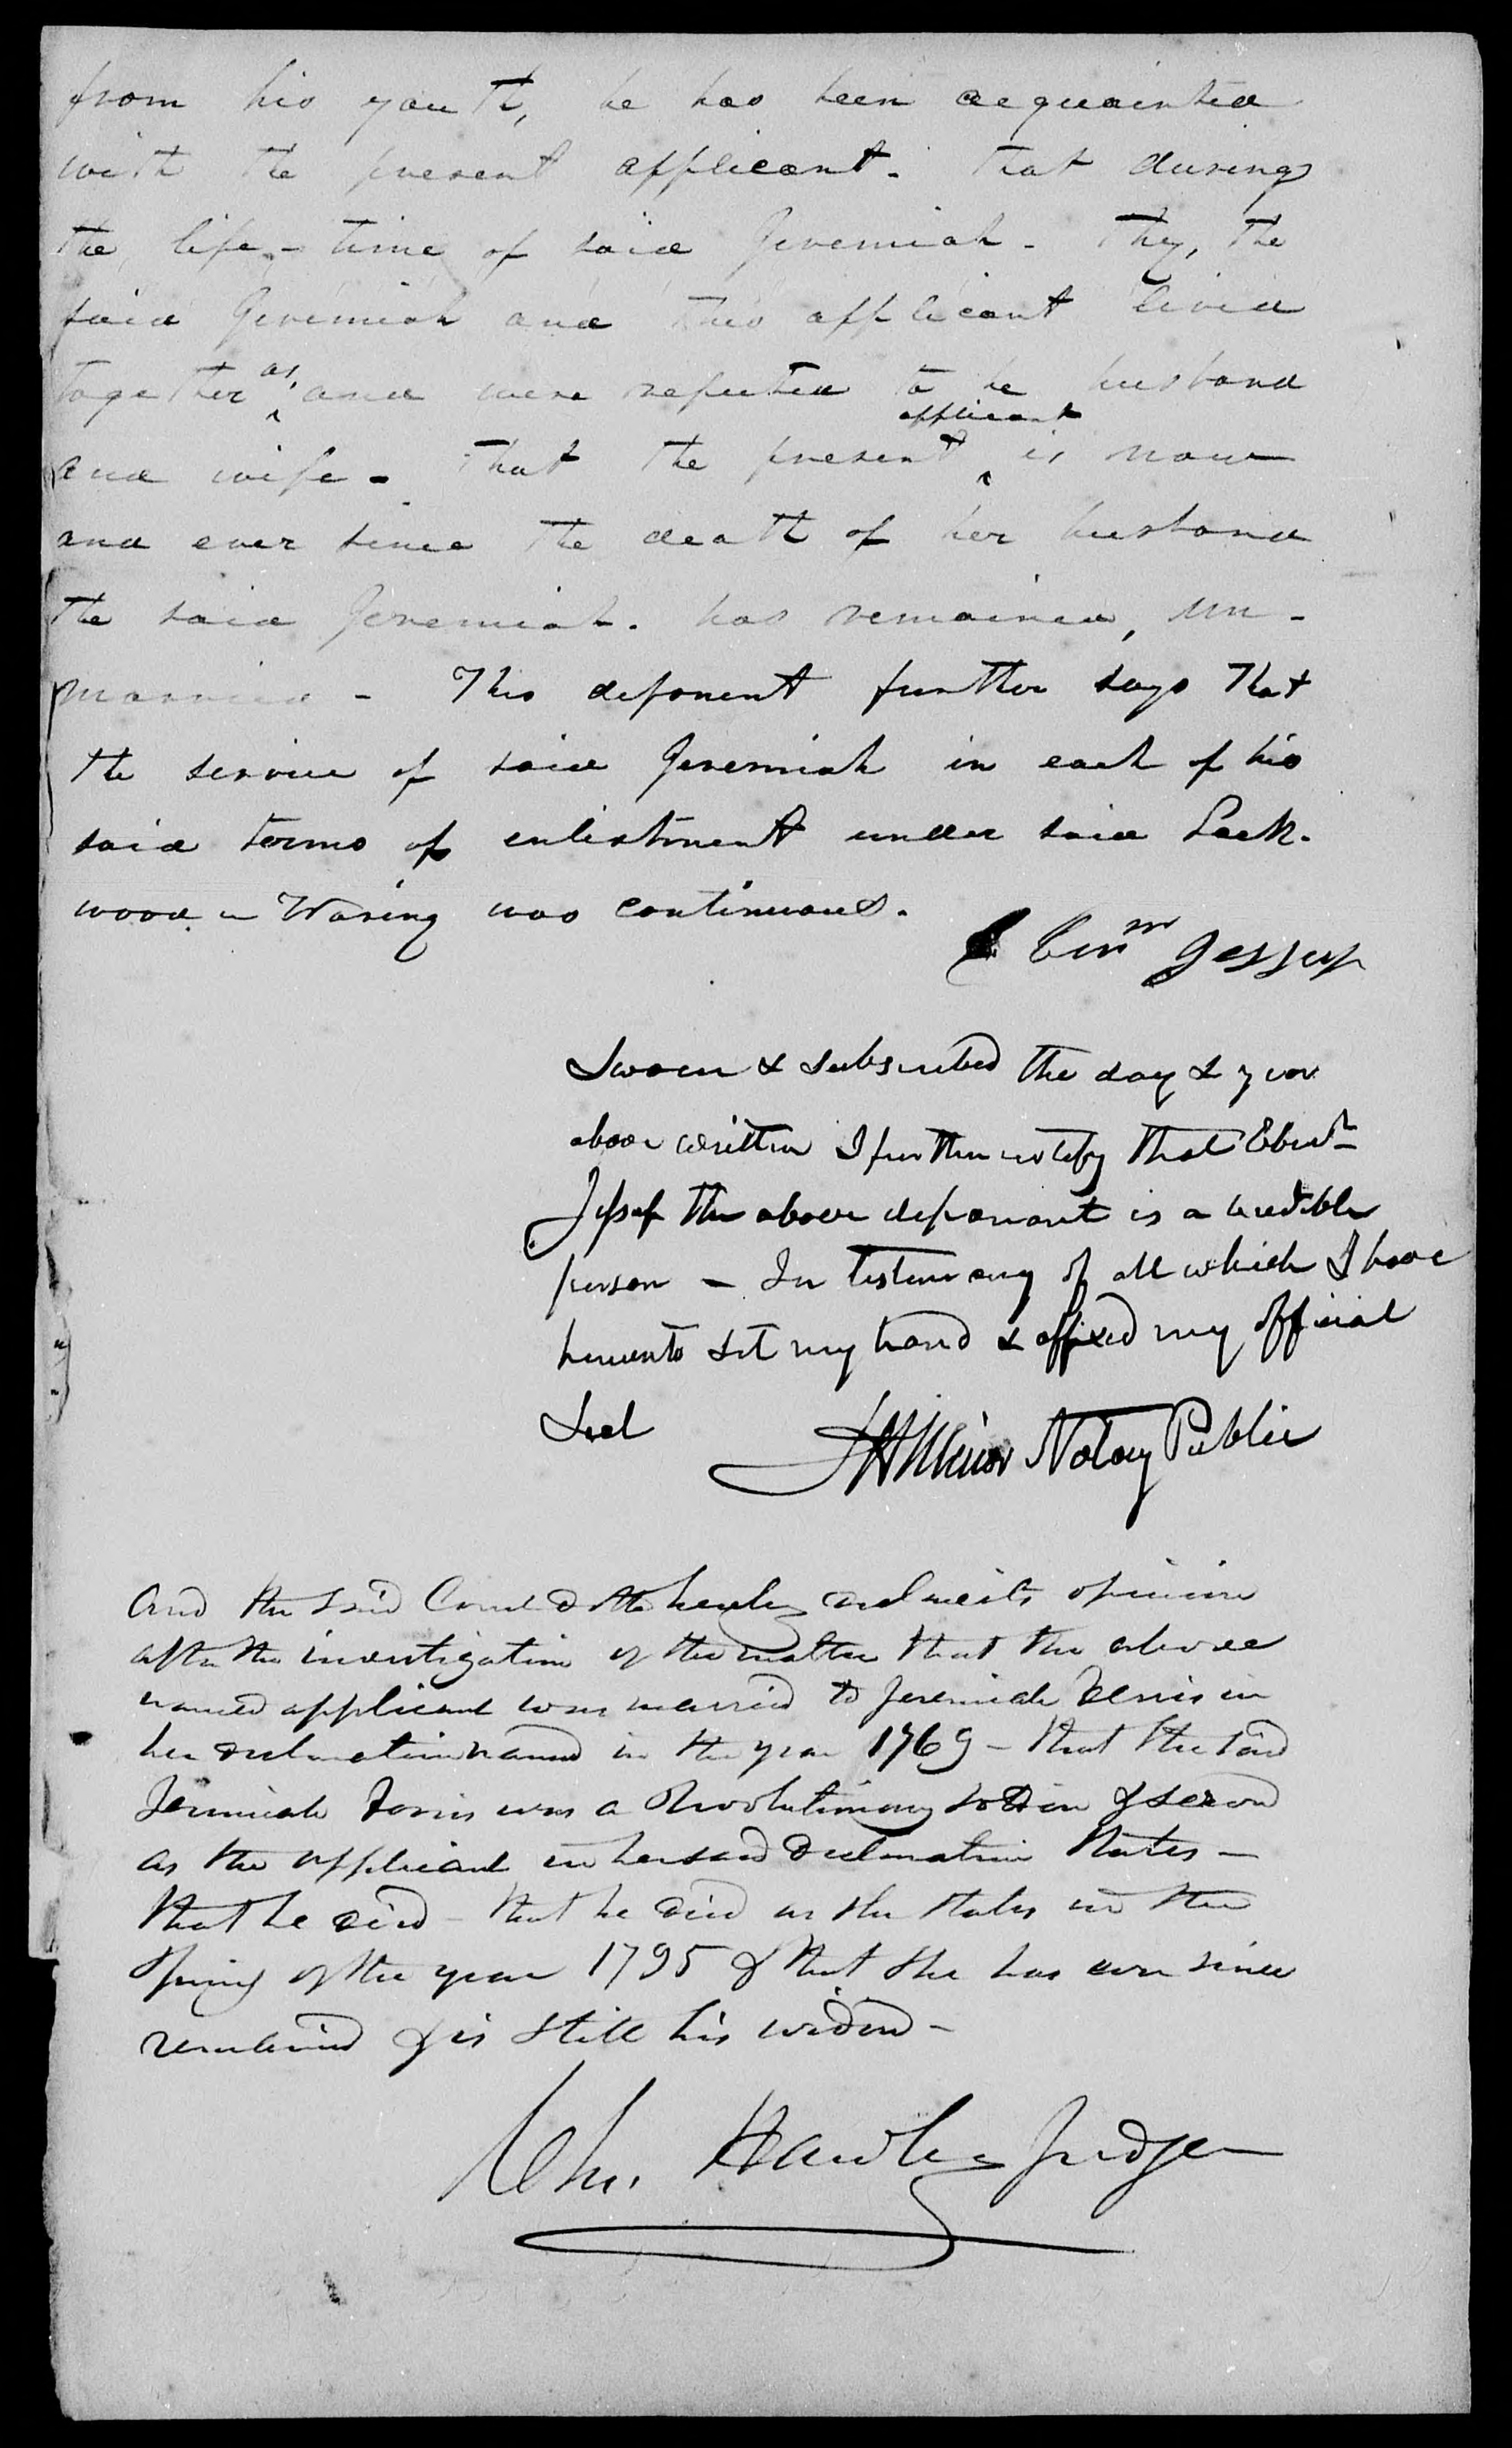from his youth, he has been acquainted with the present applicant.  That during the life-time of said Jeremiah, they, the said Jeremiah and this applicant lived together as, and were reputed to be husband and wife.  That the present applicant is now and ever since the death of her husband, the said Jeremiah, has remained, unmarried.  This deponent further says that the service of said Jeremiah in each of his said terms of enlistment under said Lockwood in Waring was continuous.
        [signed] Ebenr Jessup

Sworn & subscribed the day & year above written.  I further certify that Ebenr Jessup the above deponent is a credible person.  In testimony of all which I have hereunto set my hand and affixed my official seal.
     [signed] SH Minor Notary Public

And the said Court & Notary [illegible] opinion after the investigation of the matter that the above named applicant was married to Jeremiah Ferris in her [illegible] in the year 1769, that the said Jeremiah Ferris was a Revolutionary soldier & served as the applicant in her said Declaration notes, that he died, that he died as she states in the Spring of the year 1795 & that she has ever since remained & is still his widow.
     [signed] Ches. Hawley, Judge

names: Ebenr Jessup, S H Minor, Ches Hawley, Ebennr Jessup, Lockwood, Jeremiah Ferris, Jeremiah Ferris, Jeremiah, Jeremiah, Waring, Jeremiah, Jeremiah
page: 12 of 14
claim: widow's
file: W. 17897, Jeremiah Ferris, Conn.